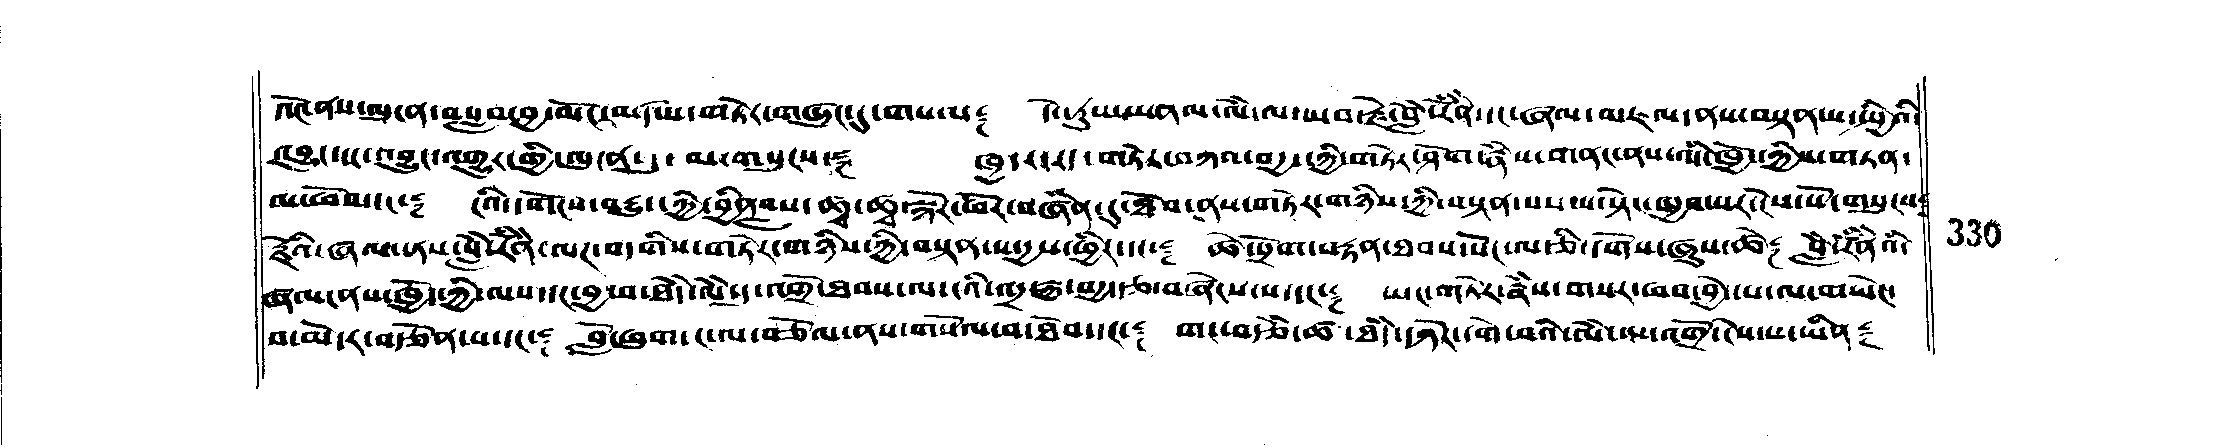འོང་ནས་ལུང་བསྟན་བསླབ་བྱ་མང་པོར་མཛད་པ་གཏེར་གཞུང་དུ་གསལ། དེ་དུས་མནལ་ལམ་ལ་ཡབ་རྗེ་བླ་མ་རིན་པོ་ཆེ་དང་ཞལ་མཇལ་ནས་བསྟན་པ་སྤྱིའི་
འབྱུང་དང་འབྱུང་འགྱུར་གྱི་ལུང་བསྟན་དུ་མ་གསུངས། ཁྱད་པར་རང་གཏེར་བཀའ་བརྒྱད་ཀྱི་གཏེར་ཤོག་རྣམས་གནང་ནས་འདི་ཁྱོད་ཀྱིས་གཏན་
ལ་ཕོབ་དང་།ངའི་དགོངས་བརྒྱུད་ཀྱི་བྱིན་རླབས་ཚ་ཚ་སྐོར་༼རྐོས་?༽ཕོར་བཞིན་དུ་ཐོབ་ནས་གཏེར་གཉིས་ཀྱི་བསྟན་པས་ས་སྟེང་ཁྱབ་པར་ངེས་སོ་གསུངས། 
རྗེའི་ཞལ་ནས་བླ་མ་རིན་པོ་ཆེ་ལགས་བདག་གིས་གཏེར་གཉིས་ཀྱི་བསྟན་པ་རྒྱས་ཕྱིར་དང་། ཚེ་སྲོག་བརྟན་ཐབས་སོགས་ལ་ཅི་དགོས་ཞུས་ཚེ། བླ་མ་རིན་པོ་ཆེའི་
ཞལ་ནས་ཁྱོད་ཀྱི་ལས་དང་བྱ་བ་ཐམས་ཅད་ལམ་དུ་འགྲོ་ཐབས་ལ་ངའི་འདྲ་སྐུ་བརྒྱ་རྩ་བཞེངས་པ་དང་། ཡང་གཏེར་རྣམས་གསར་ཕབ་བྱེད་པ་ལ་གཡེང་
བ་མེད་པར་བརྩོན་པ་དང་། བློ་ཕུག་ང་ལ་བཅོལ་ནས་གསོལ་བ་ཐོབས་དང་། གང་བརྩམ་ཚེ་ཐམས་ཅད་དཀར་པོ་དགེ་བའི་ལམ་ལ་འགྲོ་ངེས་པ་ཡིན།